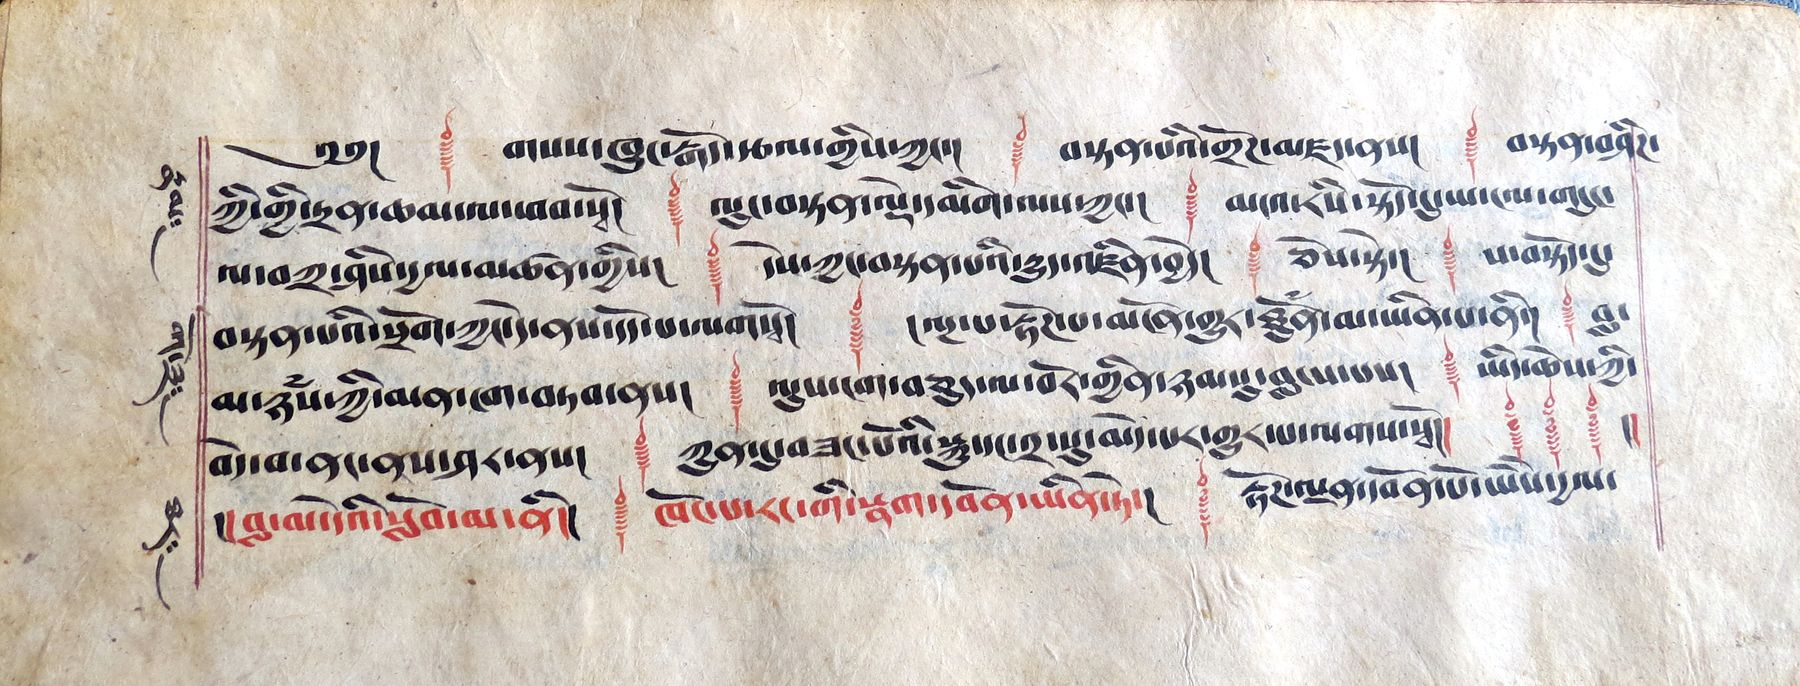གསས་ཁྱུང་རྒོད་རྩལ་གྱིས་ཀྱང་། བསྟན་པའི་གྲོགས་མཛད་ནས། བསྟན་བཤིག་
གི་གྱི་གྲན་ཆམ་ལ་ཕབ་བོ། ། ལུང་བསྟན་ལྡེ་མིག་ལས་ཀྱང་། མངའ་རིས་སྟོད་དུ་ཡ་ངལ་གདུང་
ལ་བཀྲ་ཤིས་རྒྱལ་མཚན་གྱིས། དེས་ཀྱང་བསྟན་པའི་རྒྱུད་འཛིན་བྱེད། ། ཅེས་ཏེ། ལ་སྟོད་དུ
་བསྟན་པའི་སྲོག་ཀྱང་དེ་ནས་འོང་བ་ལགས་སོ། ། ལྔ་པ་རྟོགས་པ་མངོན་གྱུར་ཐུན་མོང་མ་ཡིན་པ་ནི། བླ་
མས་ཉམས་ཀྱི་གདམས་ངག་བཏབ་ནས། ལུས་ངག་བཅུད་ལ་བོར་གྱིན་ཉམས་སུ་བླངས་པས། ཡིད་ཆེས་ཀྱི་
བདེ་བ་ནང་ནས་ཤར་ནས། ཀུན་ཏུ་བཟང་པོའི་སྐུ་དང་གཉིས་སུ་མེད་པར་གྱུར་པ་ལགས་སོ། ། 
བླ་མ་དེའི་སློབ་མ་ནི། ཁོང་པ་རང་གི་སྣག་དབོན་ཡིན་ཏེ། རྟོགས་ལྡན་དབོན་པོ་ཡེ་ཤེས་རྒྱལ་